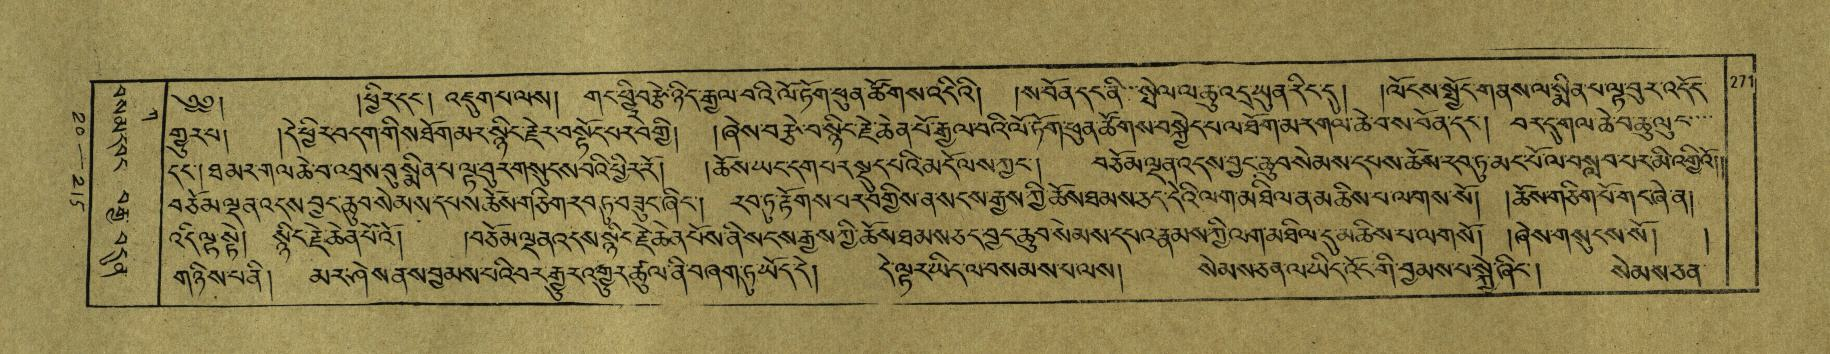༄༅། །ཕྱིར་དང་། འཇུག་པ་ལས། གང་ཕྱིར་བརྩེ་ཉིད་རྒྱལ་བའི་ལོ་ཏོག་ཕུན་ཚོགས་འདིའི། །ས་བོན་དང་ནི་སྤེལ་ལ་ཆུ་འདྲ་ཡུན་རིང་དུ། །ལོངས་སྤྱོད་གནས་ལ་སྨིན་པ་ལྟ་བུར་འདོད་
གྱུར་པ། །དེ་ཕྱིར་བདག་གིས་ཐོག་མར་སྙིང་རྗེར་བསྟོད་པར་བགྱི། །ཞེས་བརྩེ་བ་སྙིང་རྗེ་ཆེན་པོ་རྒྱལ་བའི་ལོ་ཏོག་ཕུན་ཚོགས་བསྐྱེད་པ་ལ་ཐོག་མར་གལ་ཆེ་བ་ས་བོན་དང་། བར་དུ་གལ་ཆེ་བ་ཆུ་ལུང་
དང་། ཐ་མར་གལ་ཆེ་བ་འབྲས་བུ་སྨིན་པ་ལྟ་བུར་གསུངས་བའི་ཕྱིར་རོ། །ཆོས་ཡང་དག་པར་སྡུད་པའི་མདོ་ལས་ཀྱང་། བཅོམ་ལྡན་འདས་བྱང་ཆུབ་སེམས་དཔས་ཆོས་རབ་ཏུ་མང་པོ་ལ་བསླབ་པར་མི་འགྱིའོ།།
བཅོམ་ལྡན་འདས་བྱང་ཆུབ་སེམས་དཔས་ཆོས་གཅིག་རབ་ཏུ་བཟུང་ཞིང་། རབ་ཏུ་རྟོགས་པར་བགྱིས་ན་སངས་རྒྱས་ཀྱི་ཆོས་ཐམས་ཅད་དེའི་ལག་མཐིལ་ན་མཆིས་པ་ལགས་སོ། །ཆོས་གཅིག་པོ་གང་ཞེ་ན།
འདི་ལྟ་སྟེ། སྙིང་རྗེ་ཆེན་པོའོ། །བཅོམ་ལྡན་འདས་སྙིང་རྗེ་ཆེན་པོས་ནི་སངས་རྒྱས་ཀྱི་ཆོས་ཐམས་ཅད་བྱང་ཆུབ་སེམས་དཔའ་རྣམས་ཀྱི་ལག་མཐིལ་དུ་མཆིས་པ་ལགསོ། །ཞེས་གསུངས་སོ། །
གཉིས་པ་ནི། མར་ཤེས་ནས་བྱམས་པའི་བར་རྒྱུར་འགྱུར་ཚུལ་ནི་བཞག་ཏུ་ཡོད་དེ། དེ་ལྟར་ཡིད་ལ་བསམས་པ་ལས། སེམས་ཅན་ལ་ཡིད་འོང་གི་བྱམས་པ་སྐྱེ་ཞིང་། སེམས་ཅན་